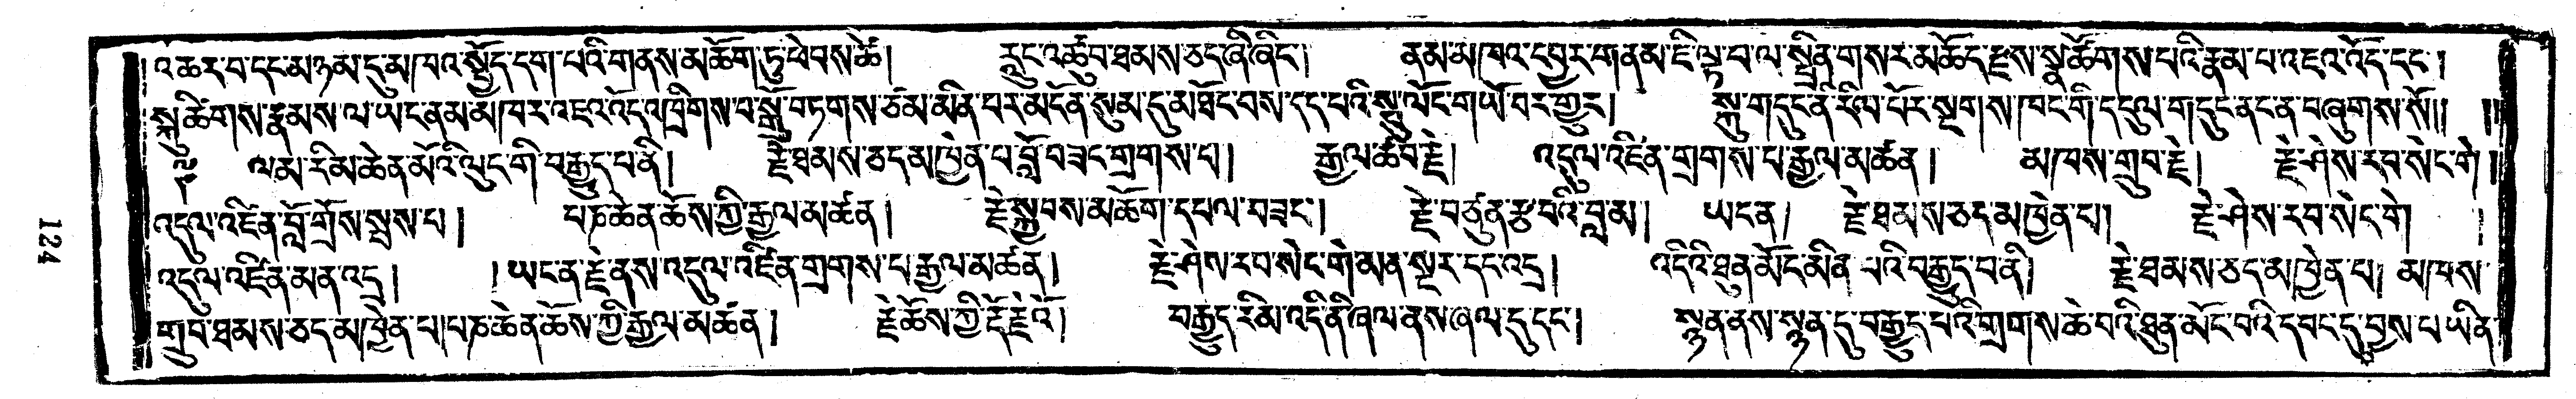འཆར་བ་དང་མཉམ་དུ་མཁའ་སྤྱོད་དག་པའི་གནས་མཆོག་ཏུ་ཕེབས་ཚེ། རླུང་འཚུབ་ཐམས་ཅད་ཞི་ཞིང་། ནམ་མཁའ་དབྱར་གནམ་ཇི་ལྟ་བ་ལ་སྤྲིན་གསར་མཆོད་རྫས་སྣ་ཚོགས་པའི་རྣམ་པ་འཇའ་འོད་དང་།
སྐུ་ཚིགས་རྣམས་ལ་ཡང་ནམ་མཁར་འཇའ་འོད་འཁྲིགས་པ་སྒྲོ་བཏགས་ཙམ་མིན་པར་མངོན་སུམ་དུ་མཐོང་བས་དད་པའི་སྤུ་ལོང་གཡོ་པར་གྱུར། སྐུ་གདུང་ནི་རིལ་པོར་སྔགས་ཁང་གི་དངུལ་གདུང་ནང་ན་བཞུགས་སོ།། །།
༈ ལམ་རིམ་ཆེན་མོའི་ལུང་གི་བརྒྱུད་པ་ནི། རྗེ་ཐམས་ཅད་མཁྱེན་པ་བློ་བཟང་གྲགས་པ། རྒྱལ་ཚབ་རྗེ། འདུལ་འཛིན་གྲགས་པ་རྒྱལ་མཚན། མཁས་གྲུབ་རྗེ། རྗེ་ཤེས་རབ་སེང་གེ །
འདུལ་འཛིན་བློ་གྲོས་སྤས་པ། པཎ་ཆེན་ཆོས་ཀྱི་རྒྱལ་མཚན། རྗེ་སྐྱབས་མཆོག་དཔལ་བཟང་། རྗེ་བཙུན་རྩ་བའི་བླ་མ། ཡང་ན། རྗེ་ཐམས་ཅད་མཁྱེན་པ། རྗེ་ཤེས་རབ་སེང་གེ །
འདུལ་འཛིན་མན་འདྲ། །ཡང་ན་རྗེ་ནས་འདུལ་འཛིན་གྲགས་པ་རྒྱལ་མཚན། རྗེ་ཤེས་རབ་སེང་གེ་མན་སྔར་དང་འདྲ། འདིའི་ཐུན་མོང་མིན་པའི་བརྒྱུད་པ་ནི། རྗེ་ཐམས་ཅད་མཁྱེན་པ། མཁས་
གྲུབ་ཐམས་ཅད་མཁྱེན་པ། པཎ་ཆེན་ཆོས་ཀྱི་རྒྱལ་མཚན། རྗེ་ཆོས་ཀྱི་རྡོ་རྗེའོ། བརྒྱུད་རིམ་འདི་ནི་ཞལ་ནས་ཞལ་དུ་དང་། སྙན་ནས་སྙན་དུ་བརྒྱུད་པའི་གྲགས་ཆེ་བའི་ཐུན་མོང་བའི་དབང་དུ་བྱས་པ་ཡིན་